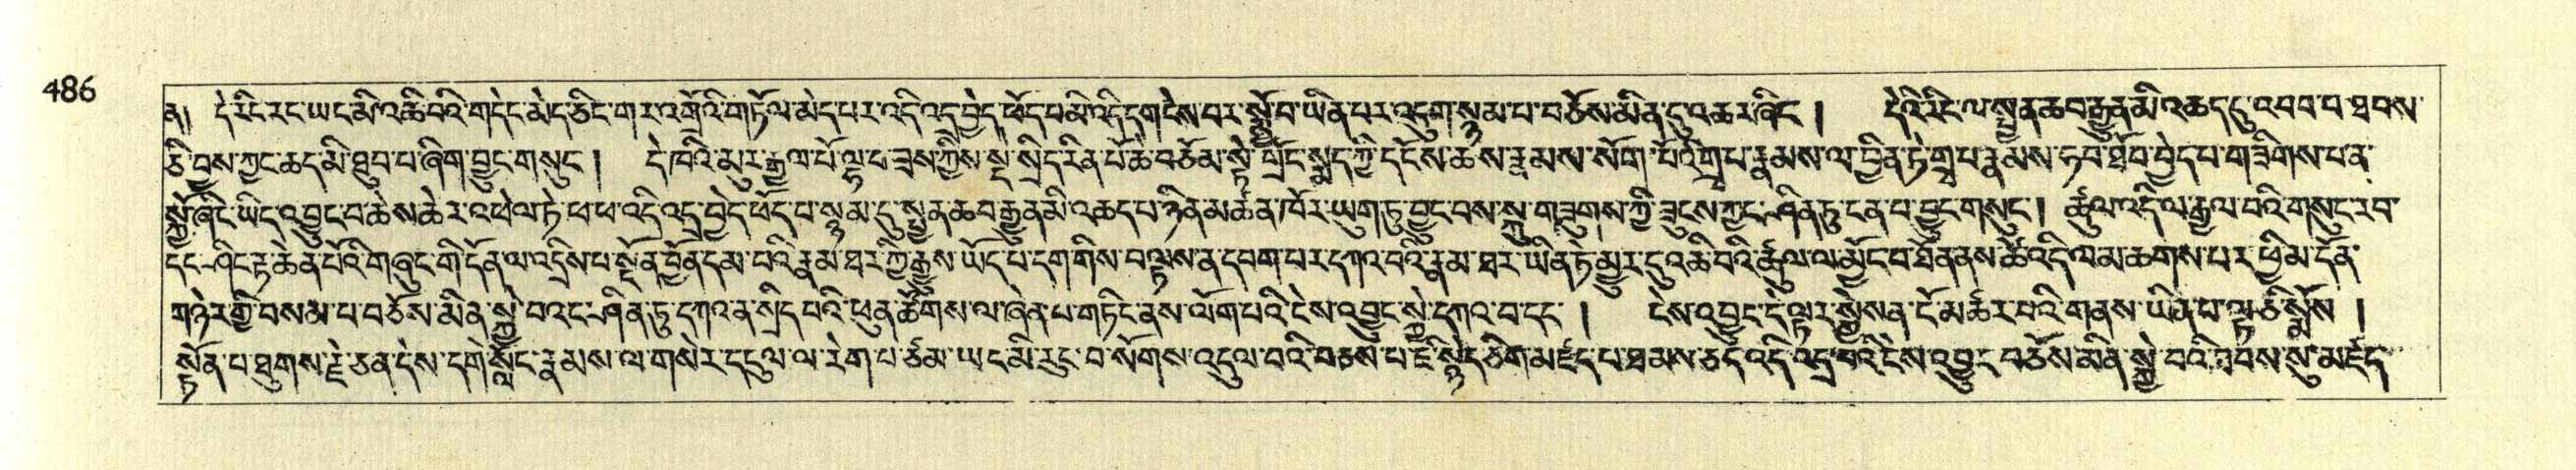ན། དེ་རིང་རང་ཡང་མི་འཆི་བའི་གདེང་མེད་ཅིང་གར་འགྲོའི་གཏོལ་མེད་པར་འདི་འདྲ་བྱེད་ཕོད་པ་མི་འདི་དག་ངེས་བར་སྨྱོ་བ་ཡིན་པར་འདུག་སྙམ་པ་བཅོས་མིན་དུ་འཆར་ཞིང་། དེའི་རིང་ལ་སྤྱན་ཆབ་རྒྱུན་མི་འཆད་དུ་འབབ་པ་ཐབས་
ཅི་བྱས་ཀྱང་ཆད་མི་ཐུབ་པ་ཞིག་བྱུང་གསུང་། དེ་ཁའི་མུར་རྒྱལ་པོ་ལྷ་བཟས་ཀྱིས་སྡེ་སྲིད་རིན་པོ་ཆེ་བཅོམ་སྟེ་གྲོང་སྨད་ཀྱི་དངོས་ཆས་རྣམས་སོག་པོའི་གྲྭ་པ་རྣམས་ལ་བྱིན་ཏེ་གྲྭ་པ་རྣམས་ཧབ་ཐོབ་བྱེད་པ་གཟིགས་པ་ན་
སྐྱོ་ཞིང་ཡིད་འབྱུང་བ་ཆེས་ཆེར་འཕེལ་ཏེ་ཕ་ཕ་འདི་འདྲ་བྱེད་ཕོད་པ་སྙམ་དུ་སྤྱན་ཆབ་རྒྱུན་མི་འཆད་པ་ཉིན་མཚན་ཁོར་ཡུག་ཏུ་བྱུང་བས་སྐུ་གཟུགས་ཀྱི་ཟུངས་ཀྱང་ཤིན་ཏུ་ངན་པ་བྱུང་གསུང་། ཚུལ་འདི་ལ་རྒྱལ་བའི་གསུང་རབ་
དང་ཤིང་རྟ་ཆེན་པོའི་གཞུང་གི་དོན་ལ་འདྲིས་པ་སྔོན་བྱོན་དམ་པའི་རྣམ་ཐར་གྱི་རྒྱུས་ཡོད་པ་དག་གིས་བལྟས་ན་དབག་པར་དཀའ་བའི་རྣམ་ཐར་ཡིན་ཏེ་མྱུར་དུ་འཆི་བའི་ཚུལ་ལ་མྱོང་བ་ཐོན་ནས་ཚེ་འདི་ལ་མ་ཆགས་པར་ཕྱི་མ་དོན་
གཉེར་གྱི་བསམ་པ་བཅོས་མིན་སྐྱེ་བའང་ཤིན་ཏུ་དཀའ་ན་སྲིད་པའི་ཕུན་ཚོགས་ལ་ཞེན་པ་གཏིང་ནས་ལོག་པའི་ངེས་འབྱུང་སྐྱེ་དཀའ་བ་དང་། ངེས་འབྱུང་དེ་ལྟར་སྐྱེས་ན་ངོ་མཚར་བའི་གནས་ཡིན་པ་ལྟ་ཅི་སྨོས།
སྟོན་པ་ཐུགས་རྗེ་ཅན་དེས་དགེ་སློང་རྣམས་ལ་གསེར་དངུལ་ལ་རེག་པ་ཙམ་ཡང་མི་རུང་བ་སོགས་འདུལ་བའི་བཅས་པ་ཇི་སྙེད་ཅིག་མཛད་པ་ཐམས་ཅད་འདི་འདྲ་བའི་ངེས་འབྱུང་བཅོས་མིན་སྐྱེ་བའི་ཐབས་སུ་མཛད་